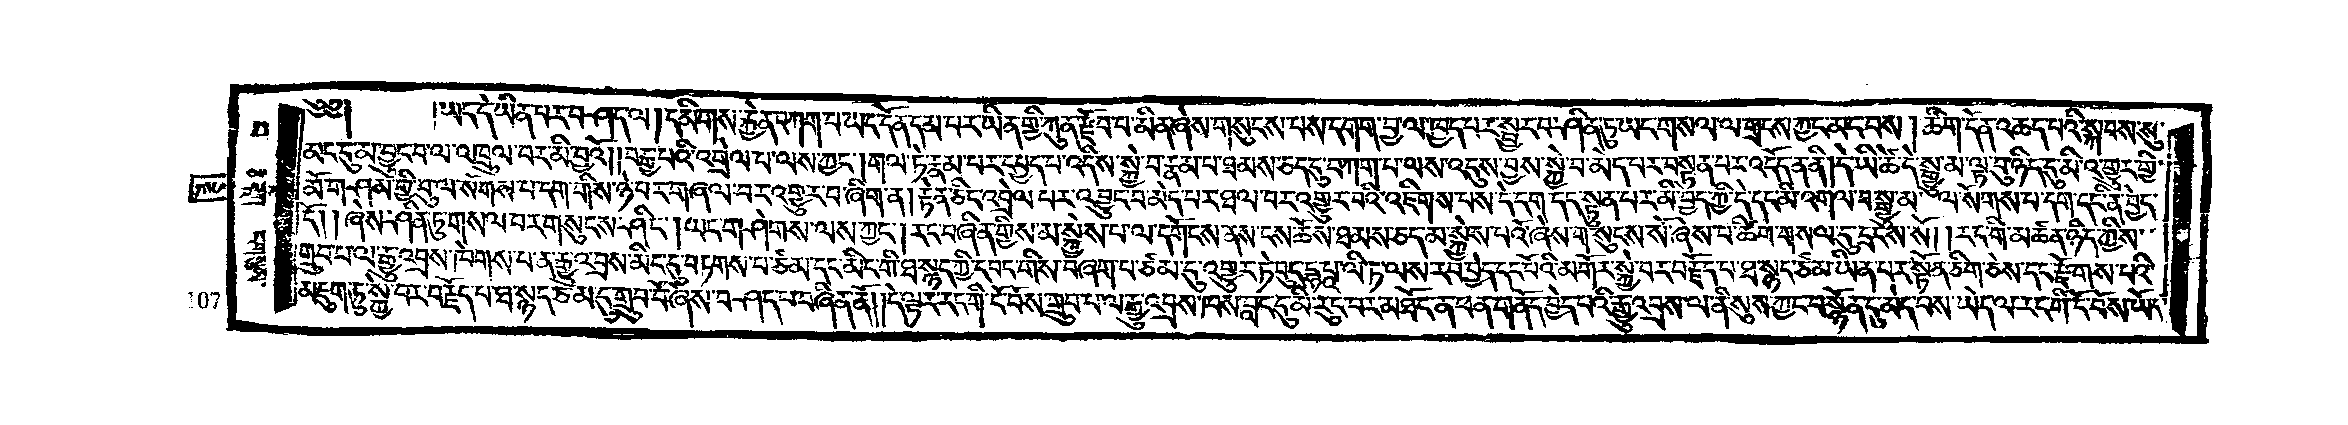༄༅། །ཡང་དེ་ཡིན་པར་བཤད་ལ། དམིགས་རྐྱེན་བཀག་པ་ཡང་དོན་དམ་པར་ཡིན་གྱི་ཀུན་རྫོབ་པ་མིན་ཞེས་གསུངས་པས་དགག་བྱ་ལ་ཁྱད་པར་སྦྱར་བ་ཤིན་ཏུ་ཡང་གསལ་ལ་གྲངས་ཀྱང་མང་བས་།ཚིག་དོན་འཆད་པའི་སྐབས་སུ་
མང་དུ་མ་བྱུང་བ་ལ་འཁྲུལ་པར་མི་བྱའོ། །བརྒྱ་པའི་འགྲེལ་པ་ལས་ཀྱང་། གལ་ཏེ་རྣམ་པར་དཔྱད་པ་འདིས་སྐྱེ་བ་རྣམ་པ་ཐམས་ཅད་དུ་བཀག་པ་ལས་འདུས་བྱས་སྐྱེ་བ་མེད་པར་བསྟན་པར་འདོད་ན་ནི། དེ་ཡི་ཚེ་དེ་སྒྱུ་མ་ལྟ་བུ་ཉིད་དུ་མི་འགྱུར་གྱི་
མོ་གཤམ་གྱི་བུ་ལ་སོགས་པ་དག་གིས་ཉེ་བར་གཞལ་བར་འགྱུར་བ་ཞིག་ན། རྟེན་ཅིང་འབྲེལ་པར་འབྱུང་བ་མེད་པར་ཐལ་བར་འགྱུར་བའི་འཇིགས་པས་དེ་དག་དང་སྟུན་པར་མི་བྱེད་ཀྱི་དེ་དང་གི་འགལ་བ་སྒྱུ་མ་ལ་སོགས་པ་དག་དང་ནི་བྱེད་
དོ། །ཞེས་ཤིན་ཏུ་གསལ་བར་གསུངས་ཤིང་། ལང་གཤེགས་ལས་ཀྱང་། རང་བཞིན་གྱིས་མ་སྐྱེས་པ་ལ་དགོངས་ནས་ངས་ཆོས་ཐམས་ཅད་མ་སྐྱེས་པའོ་ཞེས་གསུངས་སོ་ཞེས་པ་ཚིག་གསལ་དུ་དྲངས་སོ། །རང་གི་མཚོན་ཉིད་ཀྱིས་
གྲུབ་པ་ལ་རྒྱུ་འབྲས་ཁེགས་པ་ན་རྒྱུ་འབྲས་མིང་དུ་བཏགས་པ་ཙམ་དང་མིང་གི་ཐ་སྙད་ཀྱི་དབང་གིས་བཞག་པ་ཙམ་དུ་འགྱུར་ཏེ་བདུད་དྷ་པཱ་ལི་ཏ་ལས་རབ་བྱེད་དང་པོའི་མགོར་སྐྱེ་བར་བརྗོད་པ་ཐ་སྙད་ཙམ་ཡིན་པར་སྟོན་ཅིག་ཅེས་དང་རྫོགས་པའི་
མཇུག་ཏུ་སྐྱེ་བར་བརྗོད་པ་ཐ་སྙད་ཙམ་དུ་གྲུབ་བོ་ཞེས་བཤད་པ་བཞིན་ནོ། །དེ་ལྟར་རང་གི་ངོ་བོས་གྲུབ་པ་ལ་རྒྱུ་འབྲས་ཁས་བླང་དུ་མི་རུང་བར་མཐོང་ན་ཕན་གནོད་བྱེད་པའི་རྒྱུ་འབྲས་ལ་ནི་སུས་ཀྱང་བསྙོན་དུ་མེད་པས་ཡོད་ལ་རང་གི་ངོ་བོས་ཡོད་